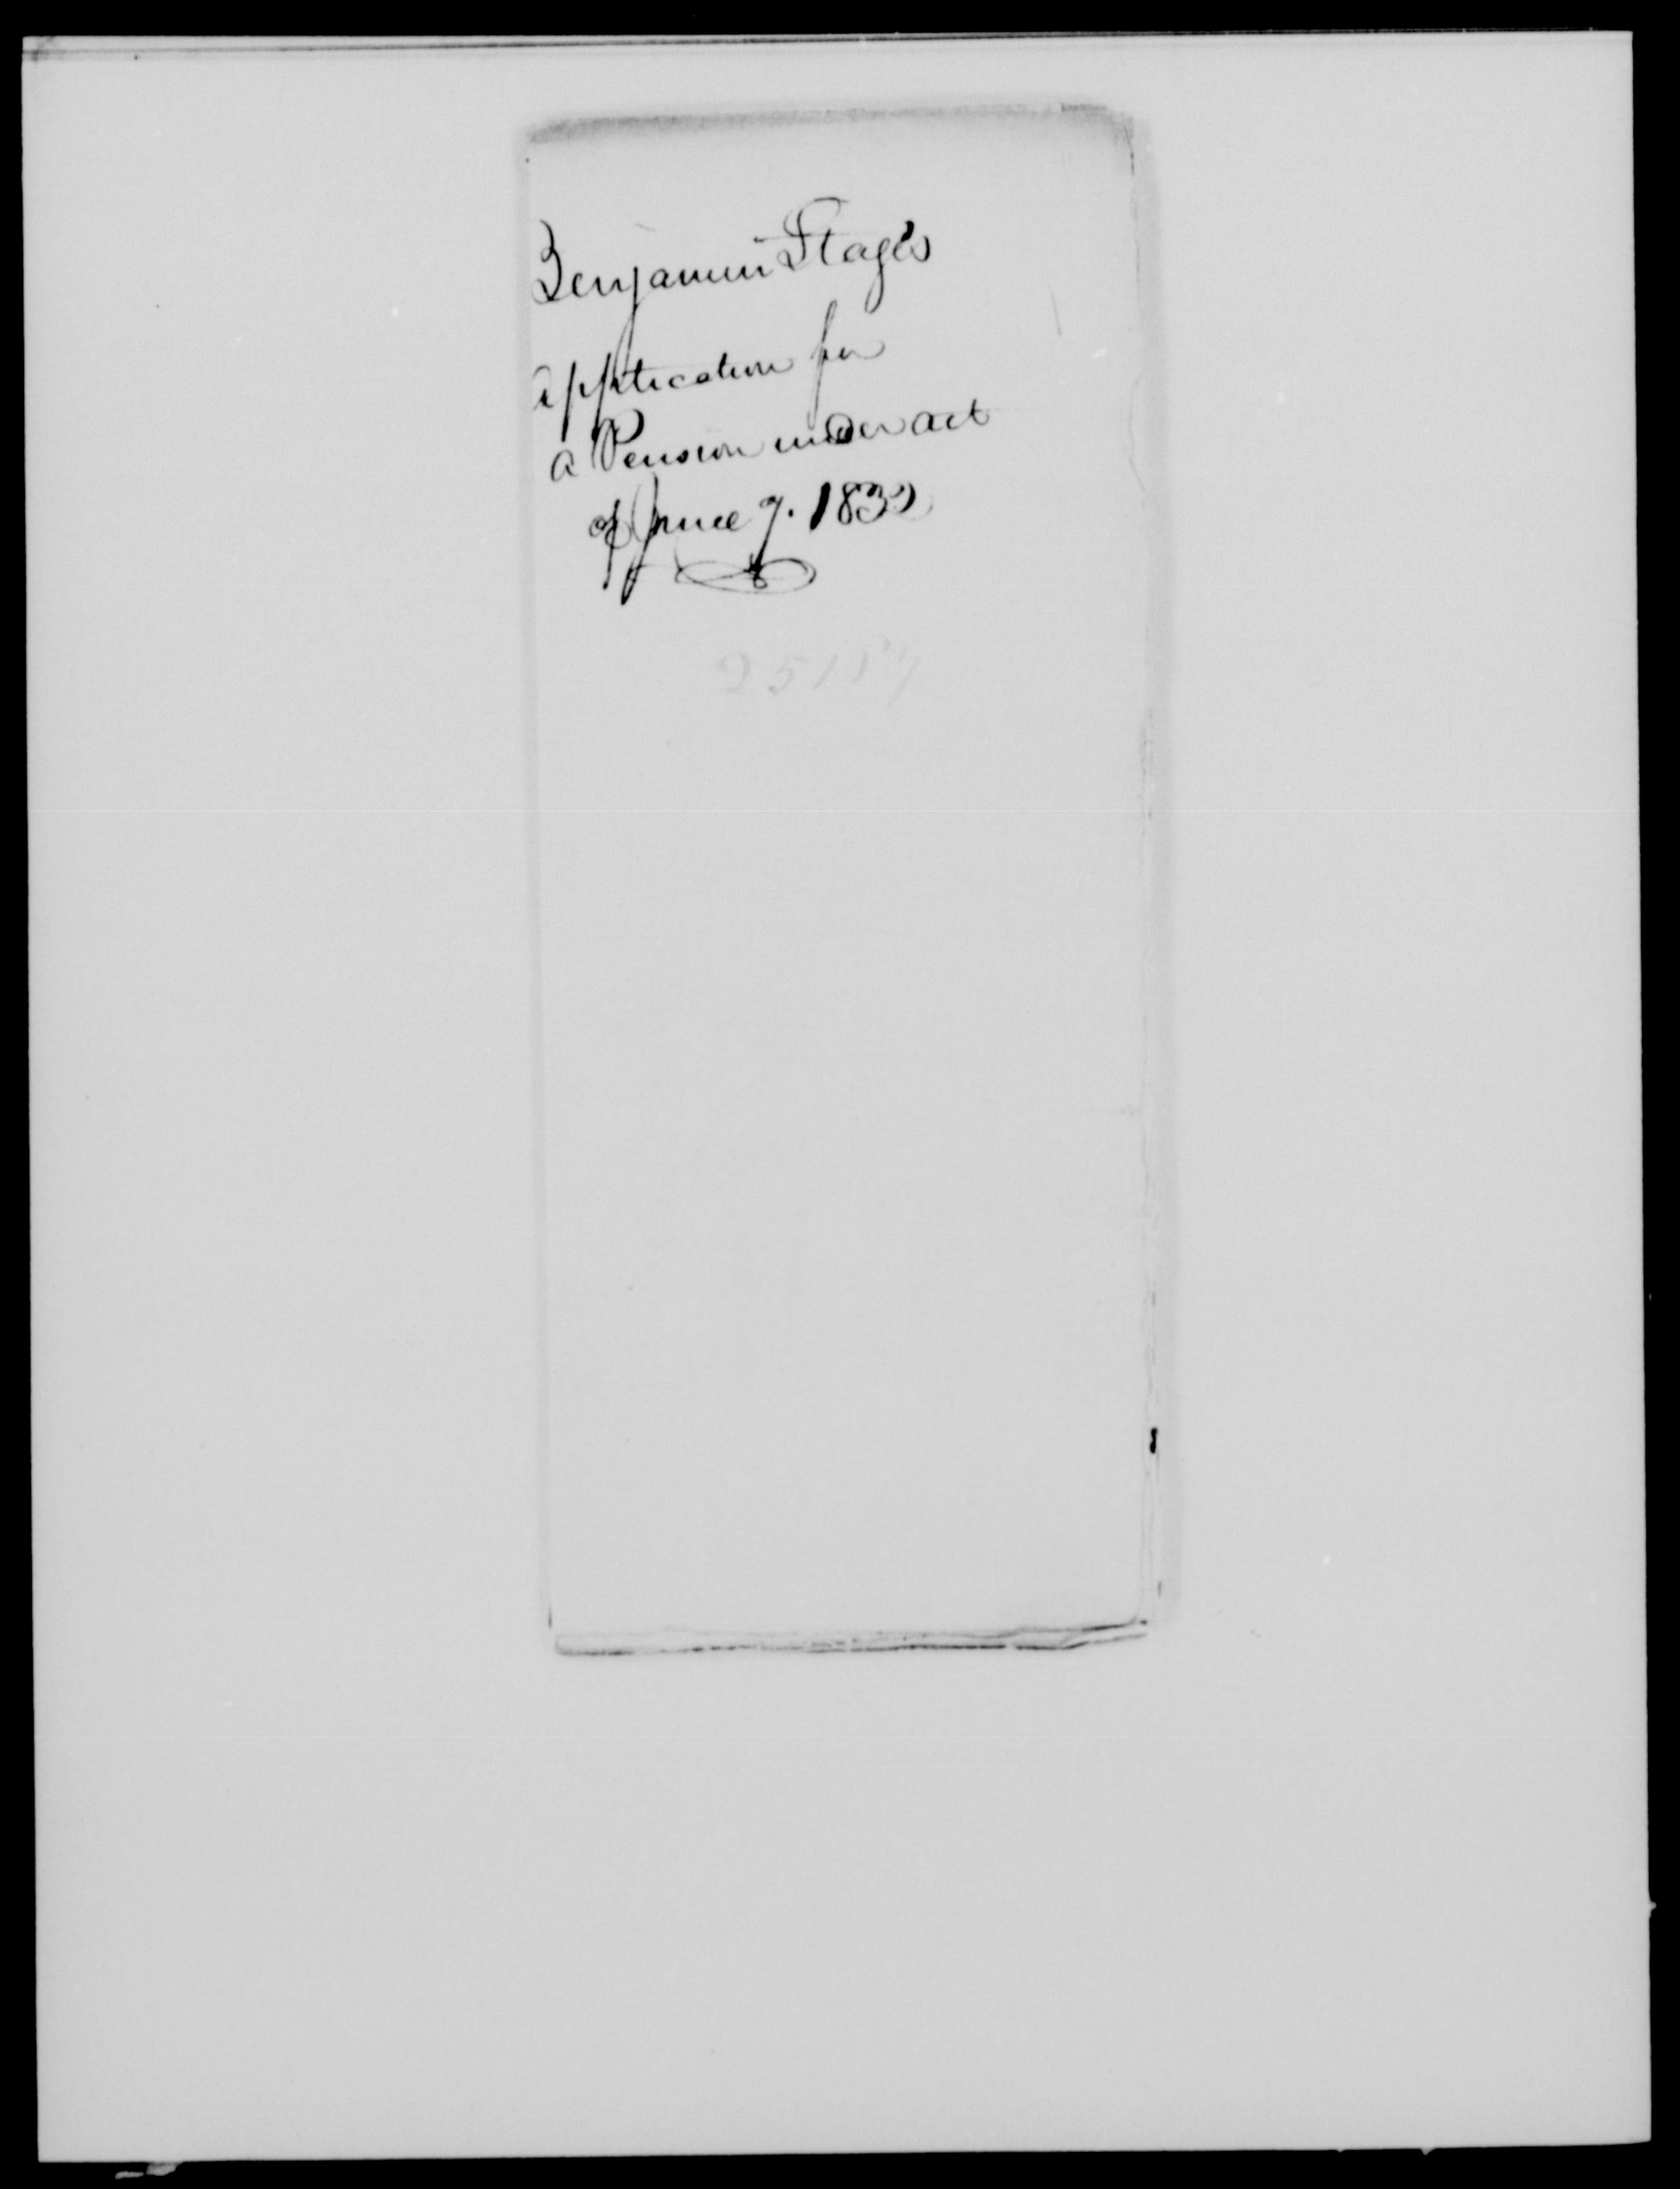Benjamin Stages
Application for a Pension under act of June 7. 1832
25187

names: Benjamin Stages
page: 3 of 23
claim: survivor's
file: S. 23008, for Benjamin Stage, New York